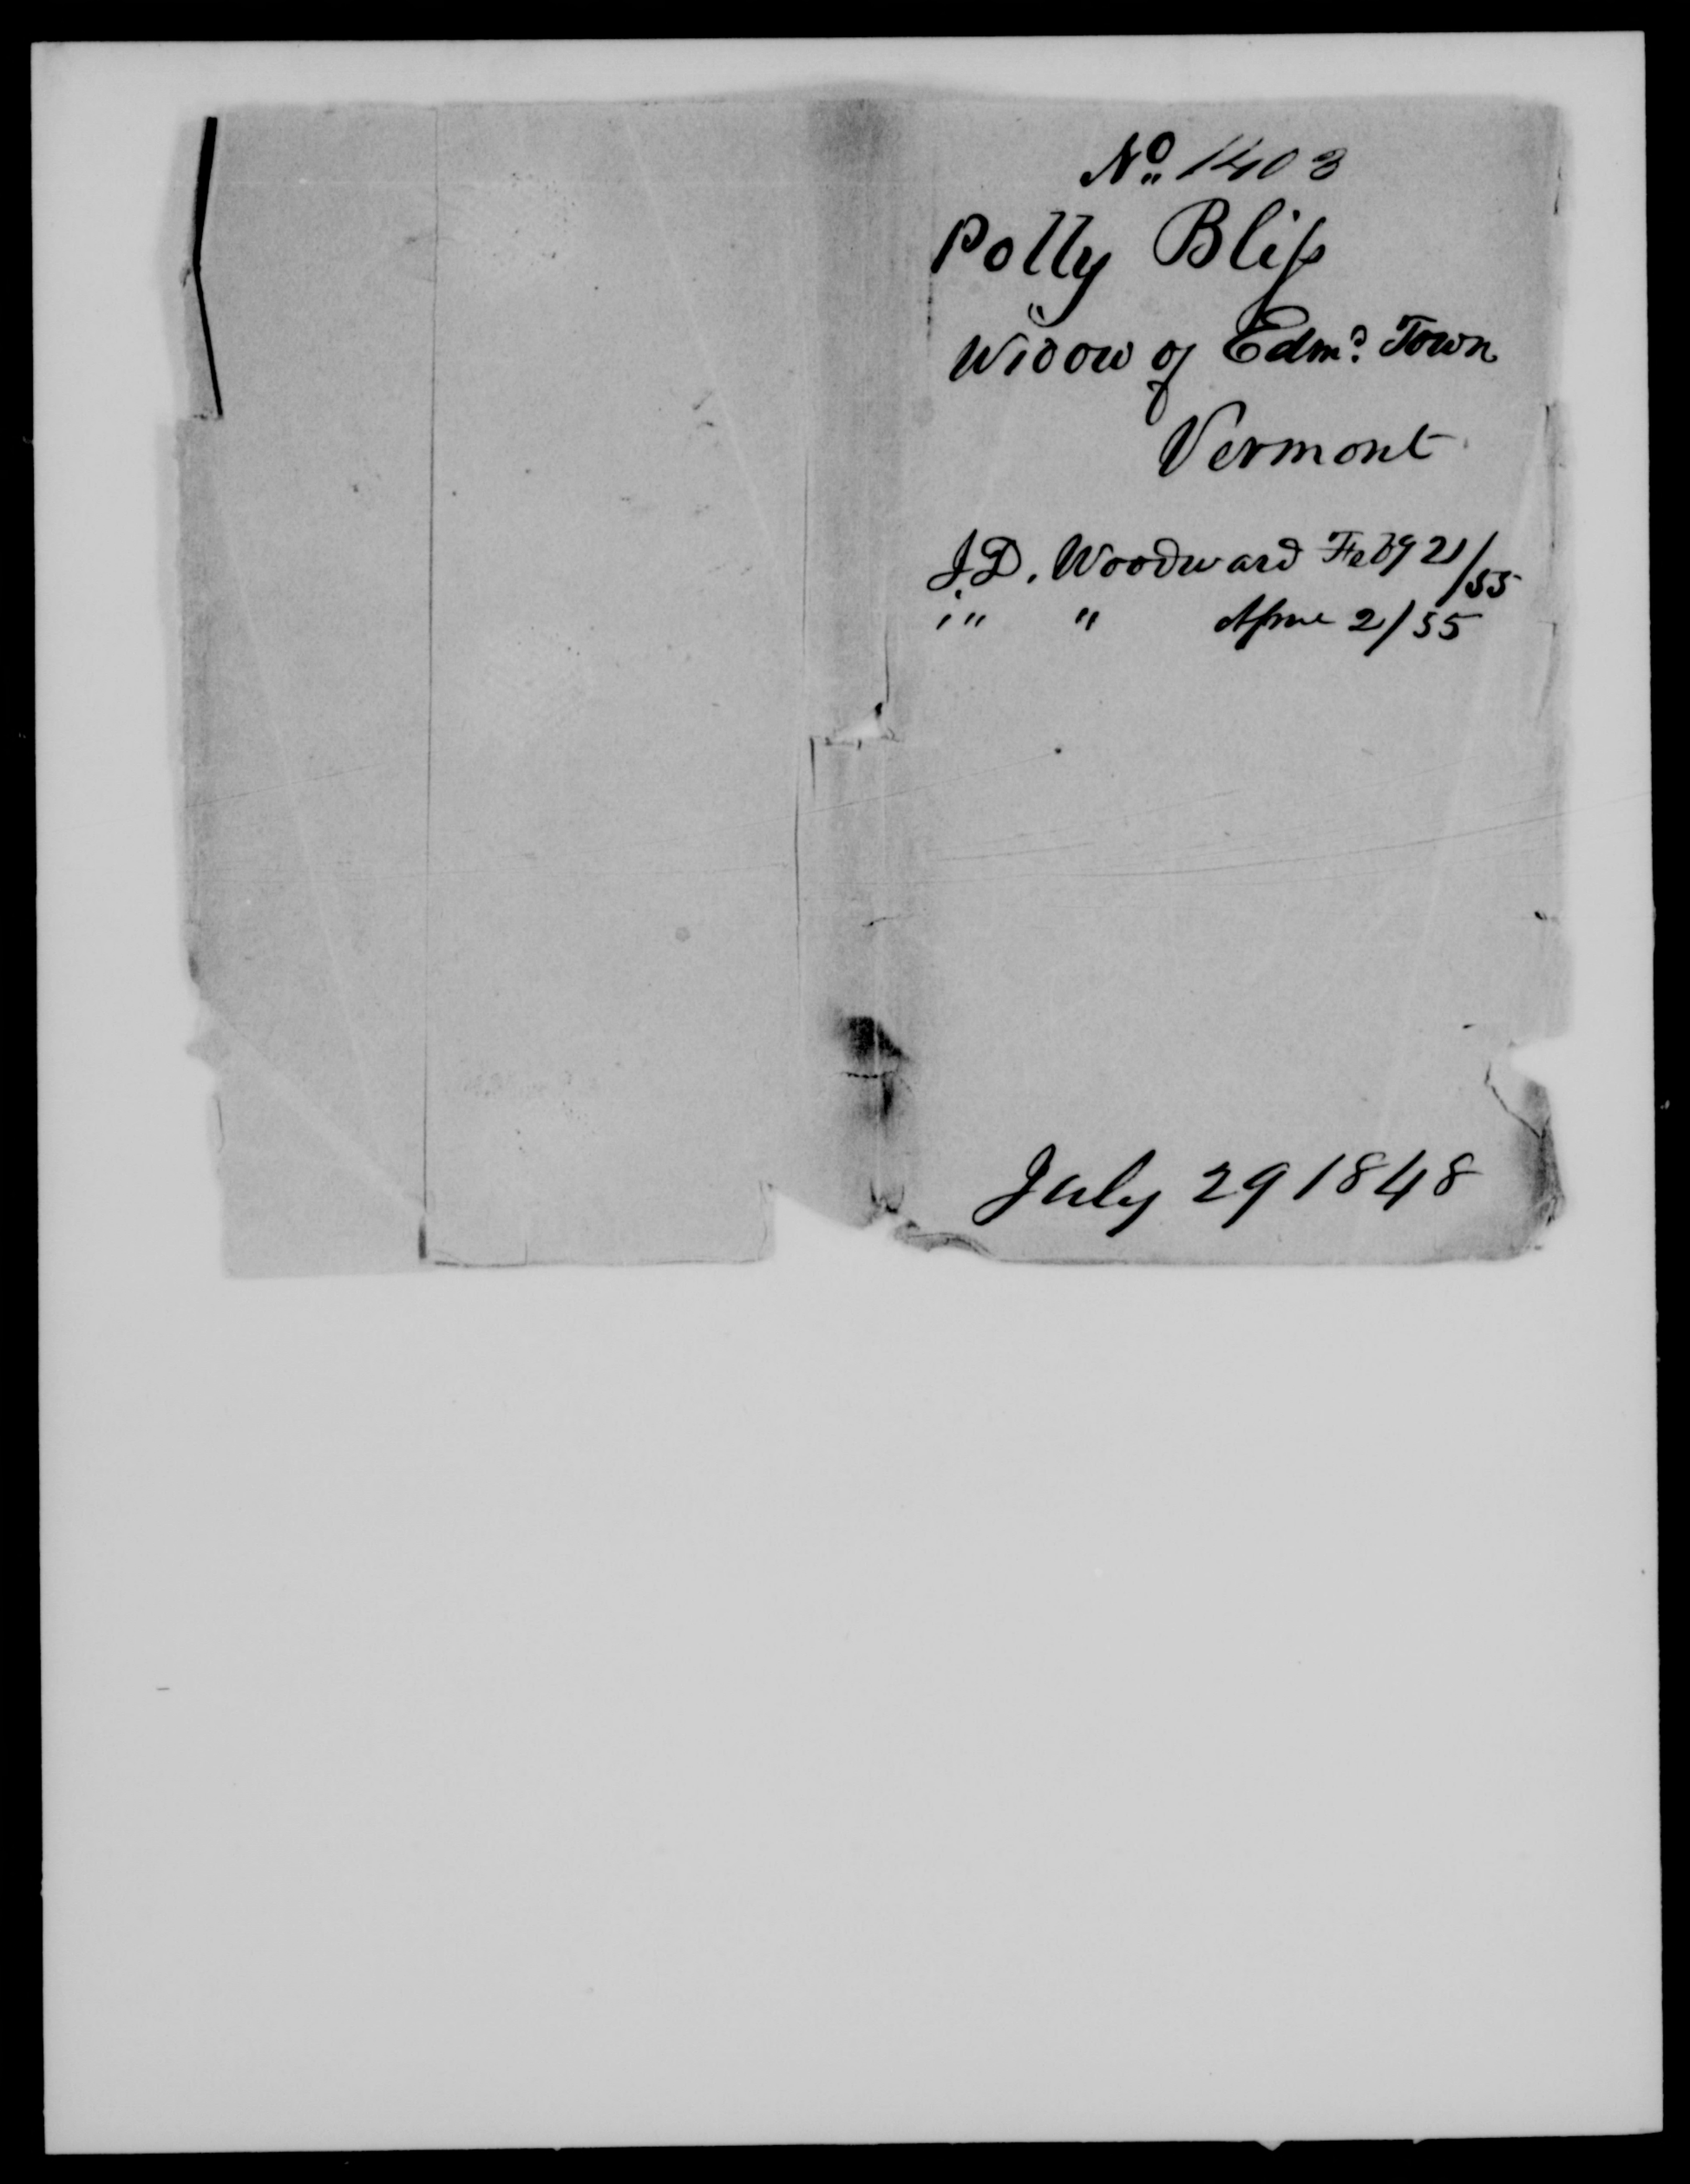No. 1408
Polly Bliss
widow of Edmd. town
Vermont

J. D. Woodward Feby. 21/55
 "        "      "   April 2/55

July 29, 1848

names: Edmd Town, J D Woodward, Polly Bliss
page: 27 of 64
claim: widow's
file: W. 5831, Edmund Town, Mass.